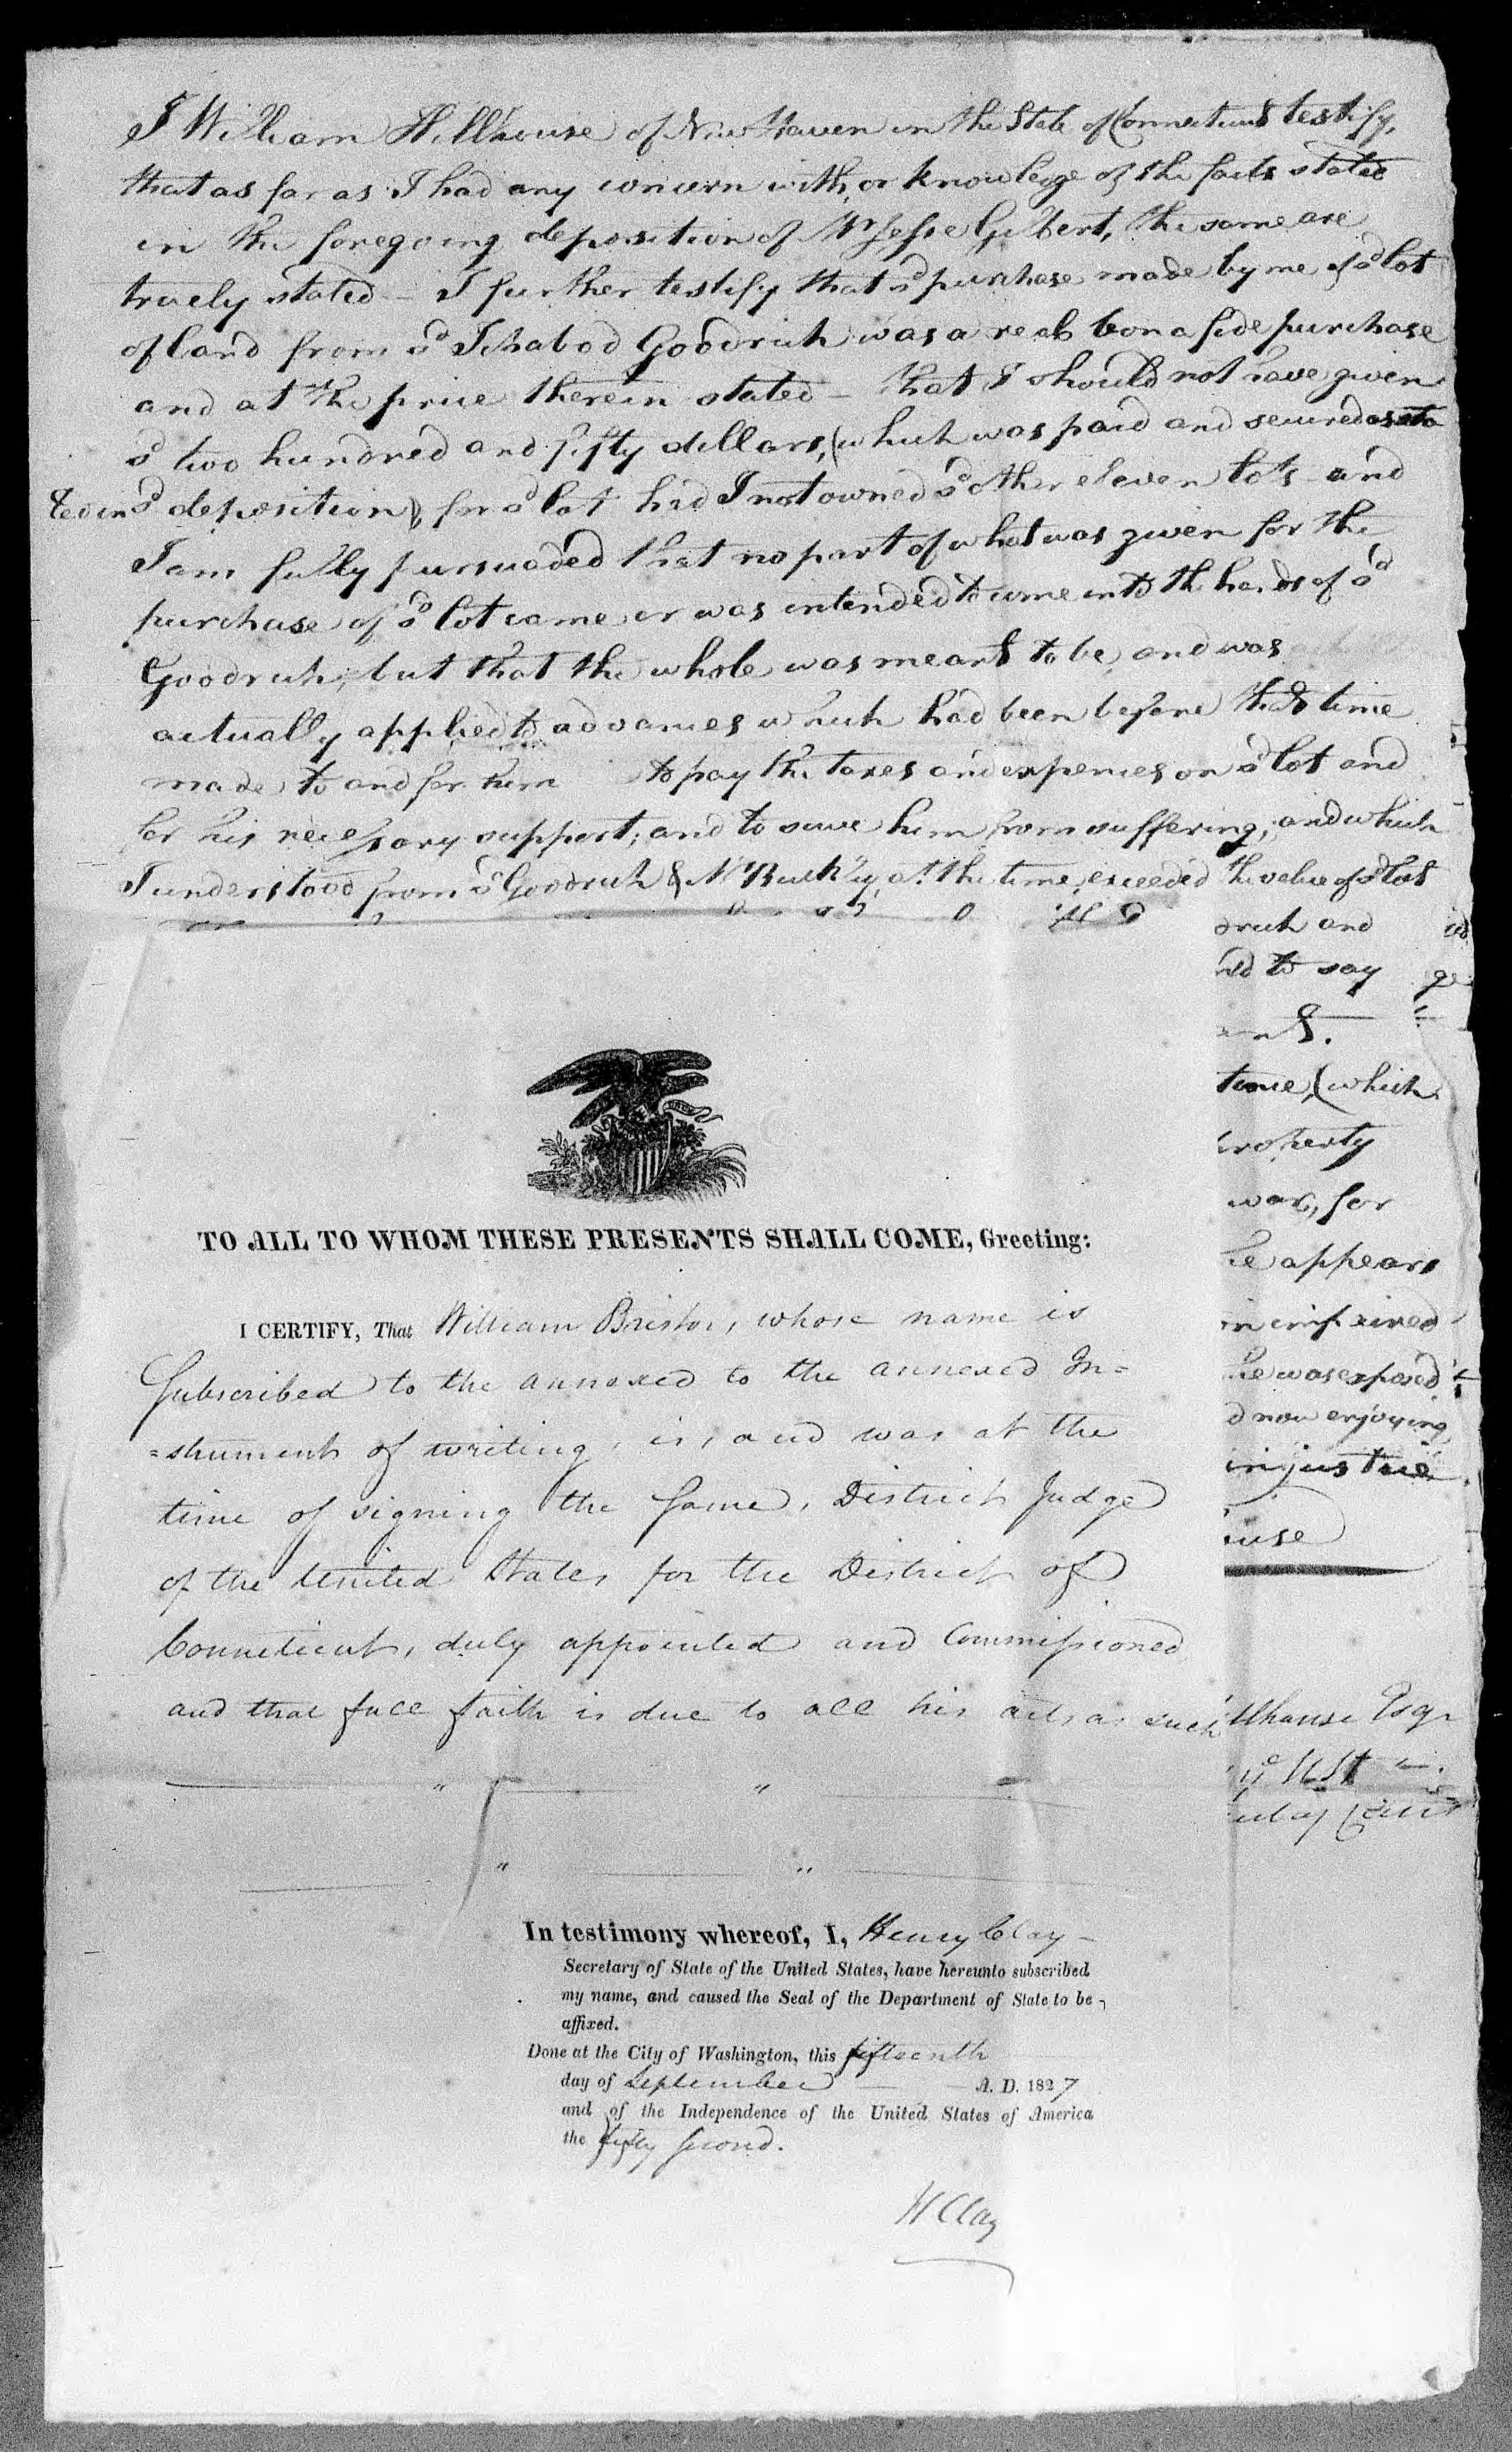I William Hillhouse of New Haven in the State of Connecticut testify that as far as I had any concern with or knowledge of the facts stated in the foregoing deposition of Mr. Jesse Gilbert, the same are truly stated. I further testify that said purchase made by me of said lot of land from said Ichabod Goodrich was a real bonafide purchase and at the price therein stated.
That I should not have given said two hundred and fifty dollars, (which was paid and secured as stated in said deposition), for a lot had I not owned said other seven lots. And I am fully persuaded that no part of what was given for the purchase of said lot came or was intended to come into the hands of said Goodrich but that the whole was meant to be and was actually applied to advances which had been before that time made to and for him to pay the taxes and expenses on said lot and for his necessary support, and to save him from suffering, and which I understood from said Goodrich & Mr. Buckley at the time exceeded the value of said lot 
[another page is laid overtop blocking the remainder]

[page laid overtop is as follows:]
TO ALL TO WHOM THESE PRESENTS SHALL COME, Greeting:
I CERTIFY, That William Brisbane, whose name is subscribed to the annexed to the annexed instruments of writing is and was at the time of signing the same, District Judge of the United States for the District of Connecticut, duly appointed and commissioned and that full faith is due to all his acts as such.

In testimony whereof, I, Henry Clay, Secretary of State of the United States, have hereunto subscribed my name, and caused the Seal of the Department of State to be affixed.
Done at the City of Washington, this fifteenth day of September AD 1827 and of the Independence of the United States of America the fifty second.
W. Clay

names: Hillhouse, Ichabod Goodrich, Goodrich, H Clay, William Bristor, William Hillhouse, Goodrich, Jesse Gilbert, Henry Clay, Buckley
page: 26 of 46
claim: survivor's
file: S. 36,556, Ichabod Goodrich, Conn.